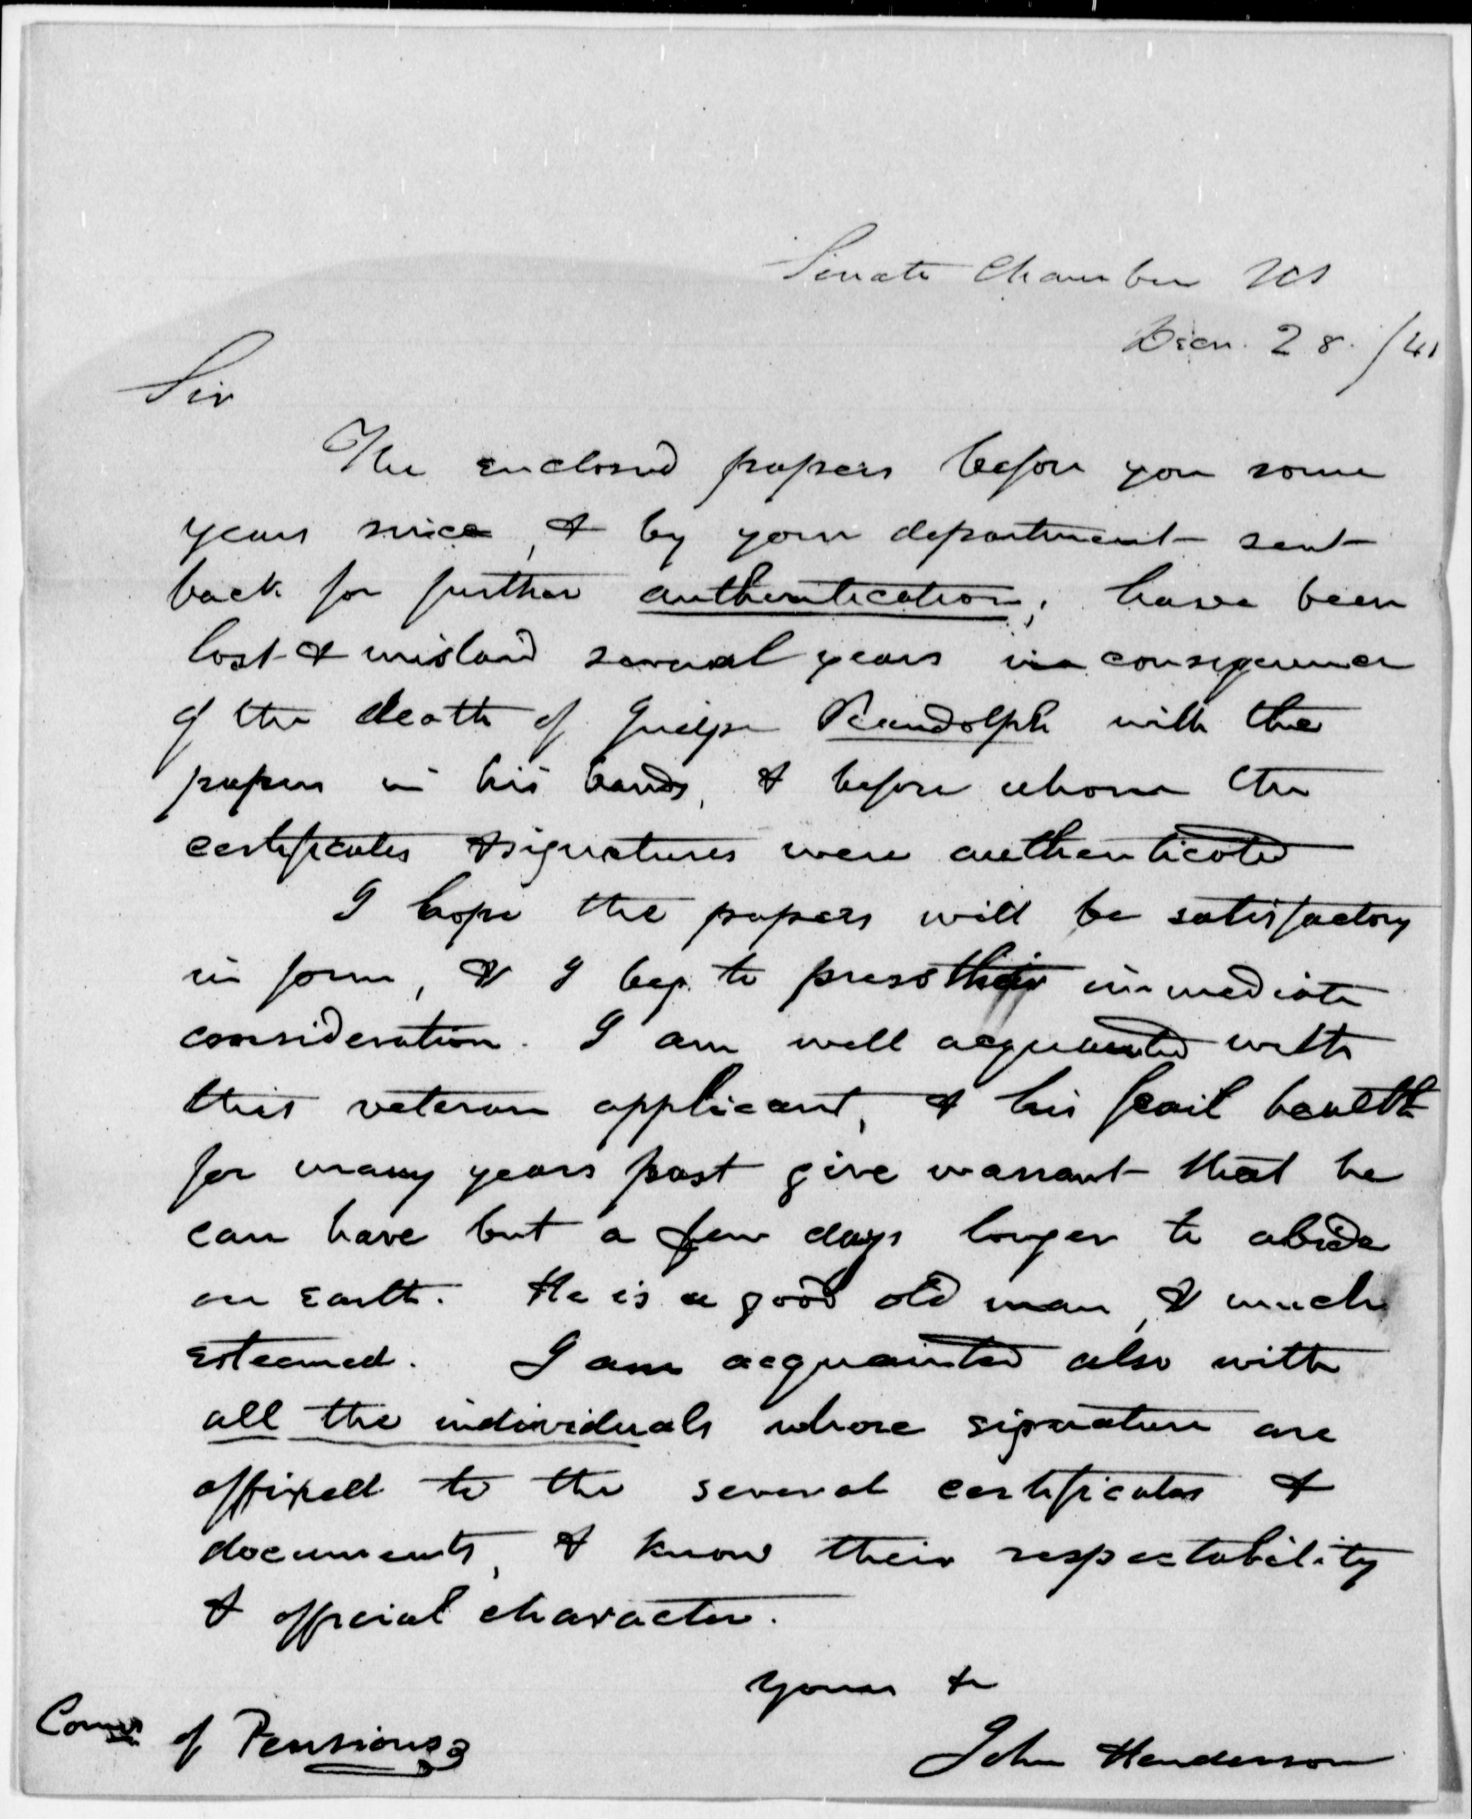Senate Chambers US
Decr. 28 / 41
Sir
The enclosed papers before you some years since, & by your department sent back for further authentication; have been lost & mislaid several years in consequence of the death of Judge Randolph with the papers in his hands, & before whom the certificates & signatures were authenticated
I hope the papers will be satisfactory in form, & I beg to press their immediate consideration. I am well acquainted with this veteran applicant, & his frail health for many years past give warrant that he can have but a few days longer to abide on earth. He is a good old man & much esteemed. I am acquainted also with all the individuals whose signatures are affixed to the several certificates & documents, & know their respectability & official character.
Yours &c
John Henderson

Comr of Pensions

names: John Henderson, Randolph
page: 30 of 38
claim: survivor's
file: S. 30. 239, William Abbott, S.C.